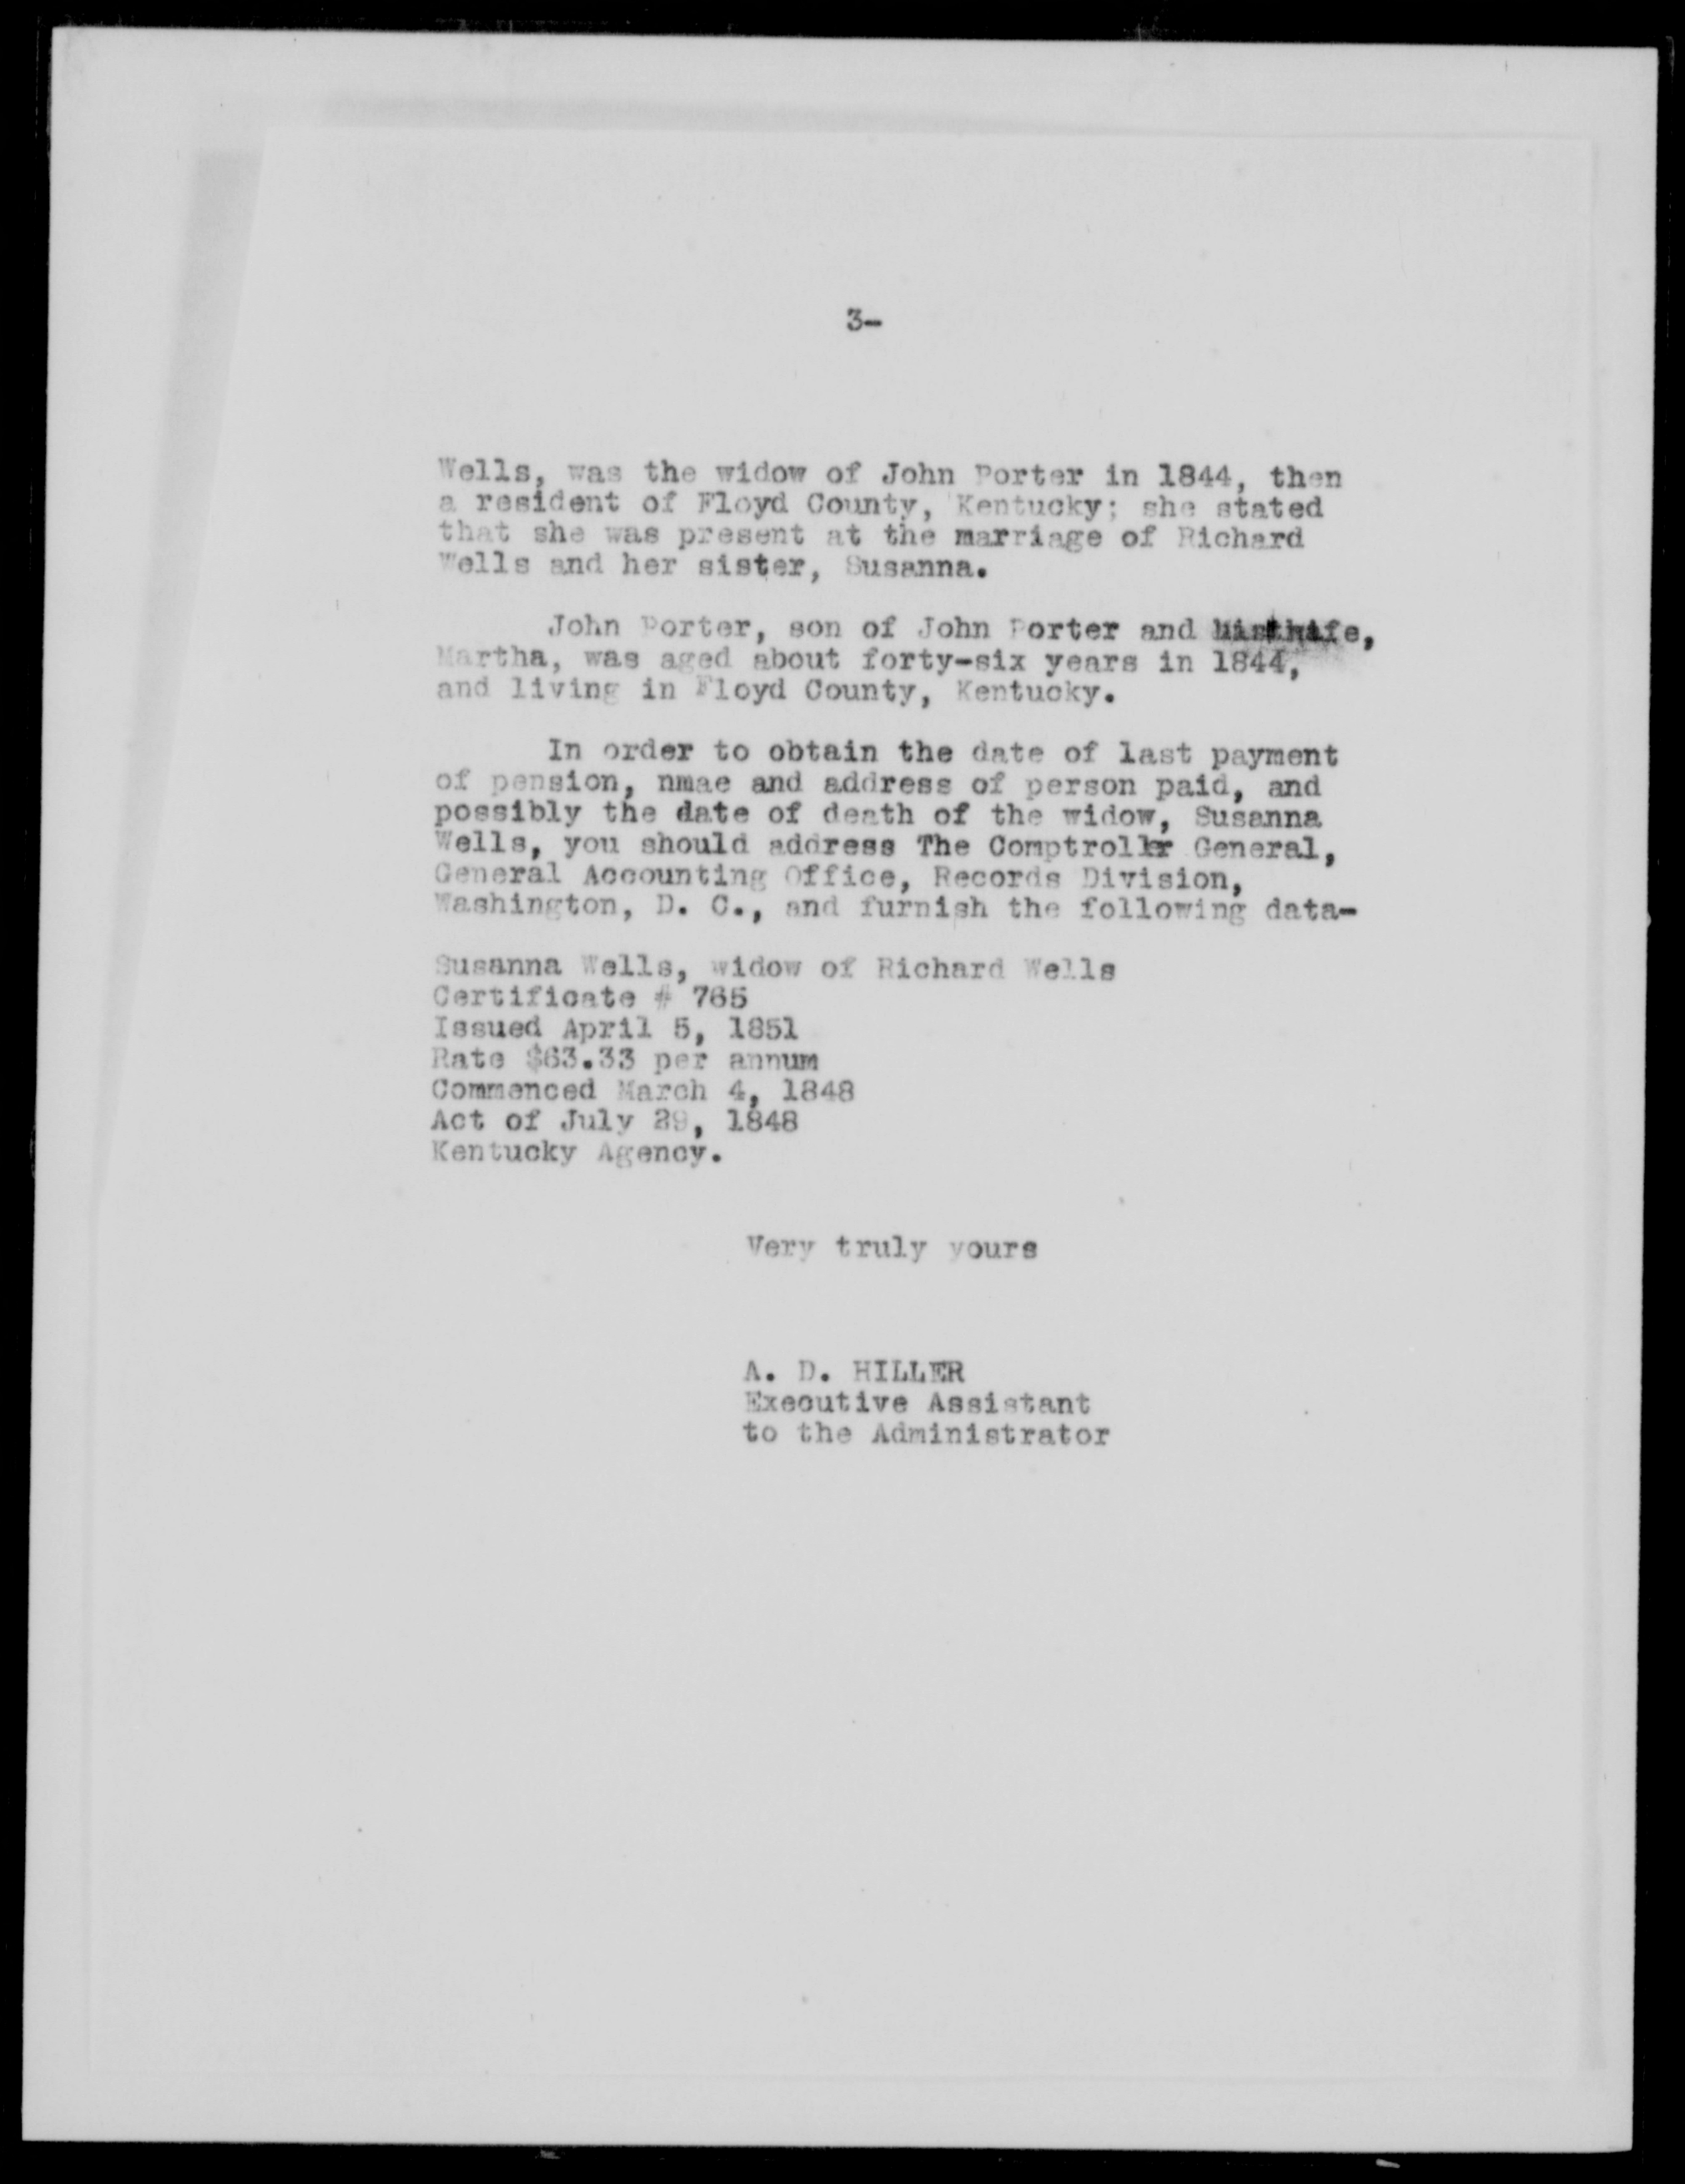3
Wells, was the widow of John Porter in 1844, then a resident of Floyd County, Kentucky:  she stated that she was present at the marriage of Richard Wells and her sister, Susanna.

John Porter, son of John Porter and his wife, Martha, was aged about forty-six years in 1844, and living in Floyd County, Kentucky.

In order to obtain the date of last payment of pension, name and address of person paid, and possibly the date of death of the widow, Susanna Wells, you should address The Comptroller General, General Accounting Office, Records Division, Washington, D.C., and furnish the following data

Susanna Wells, widow of Richard Wells
Certificate #765
Issued April 5, 1851
Rate $63.33 per annum
Commenced March 4, 1848
Act of July 29, 1848
Kentucky Agency.

Very truly yours
A D HILLER
Executive Assistant
to the Administrator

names: A D Hiller, Richard Wells, Martha, John Porter, Wells, Susanna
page: 41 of 100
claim: widow's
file: W. 6437, Richard Wells, Ga Va.